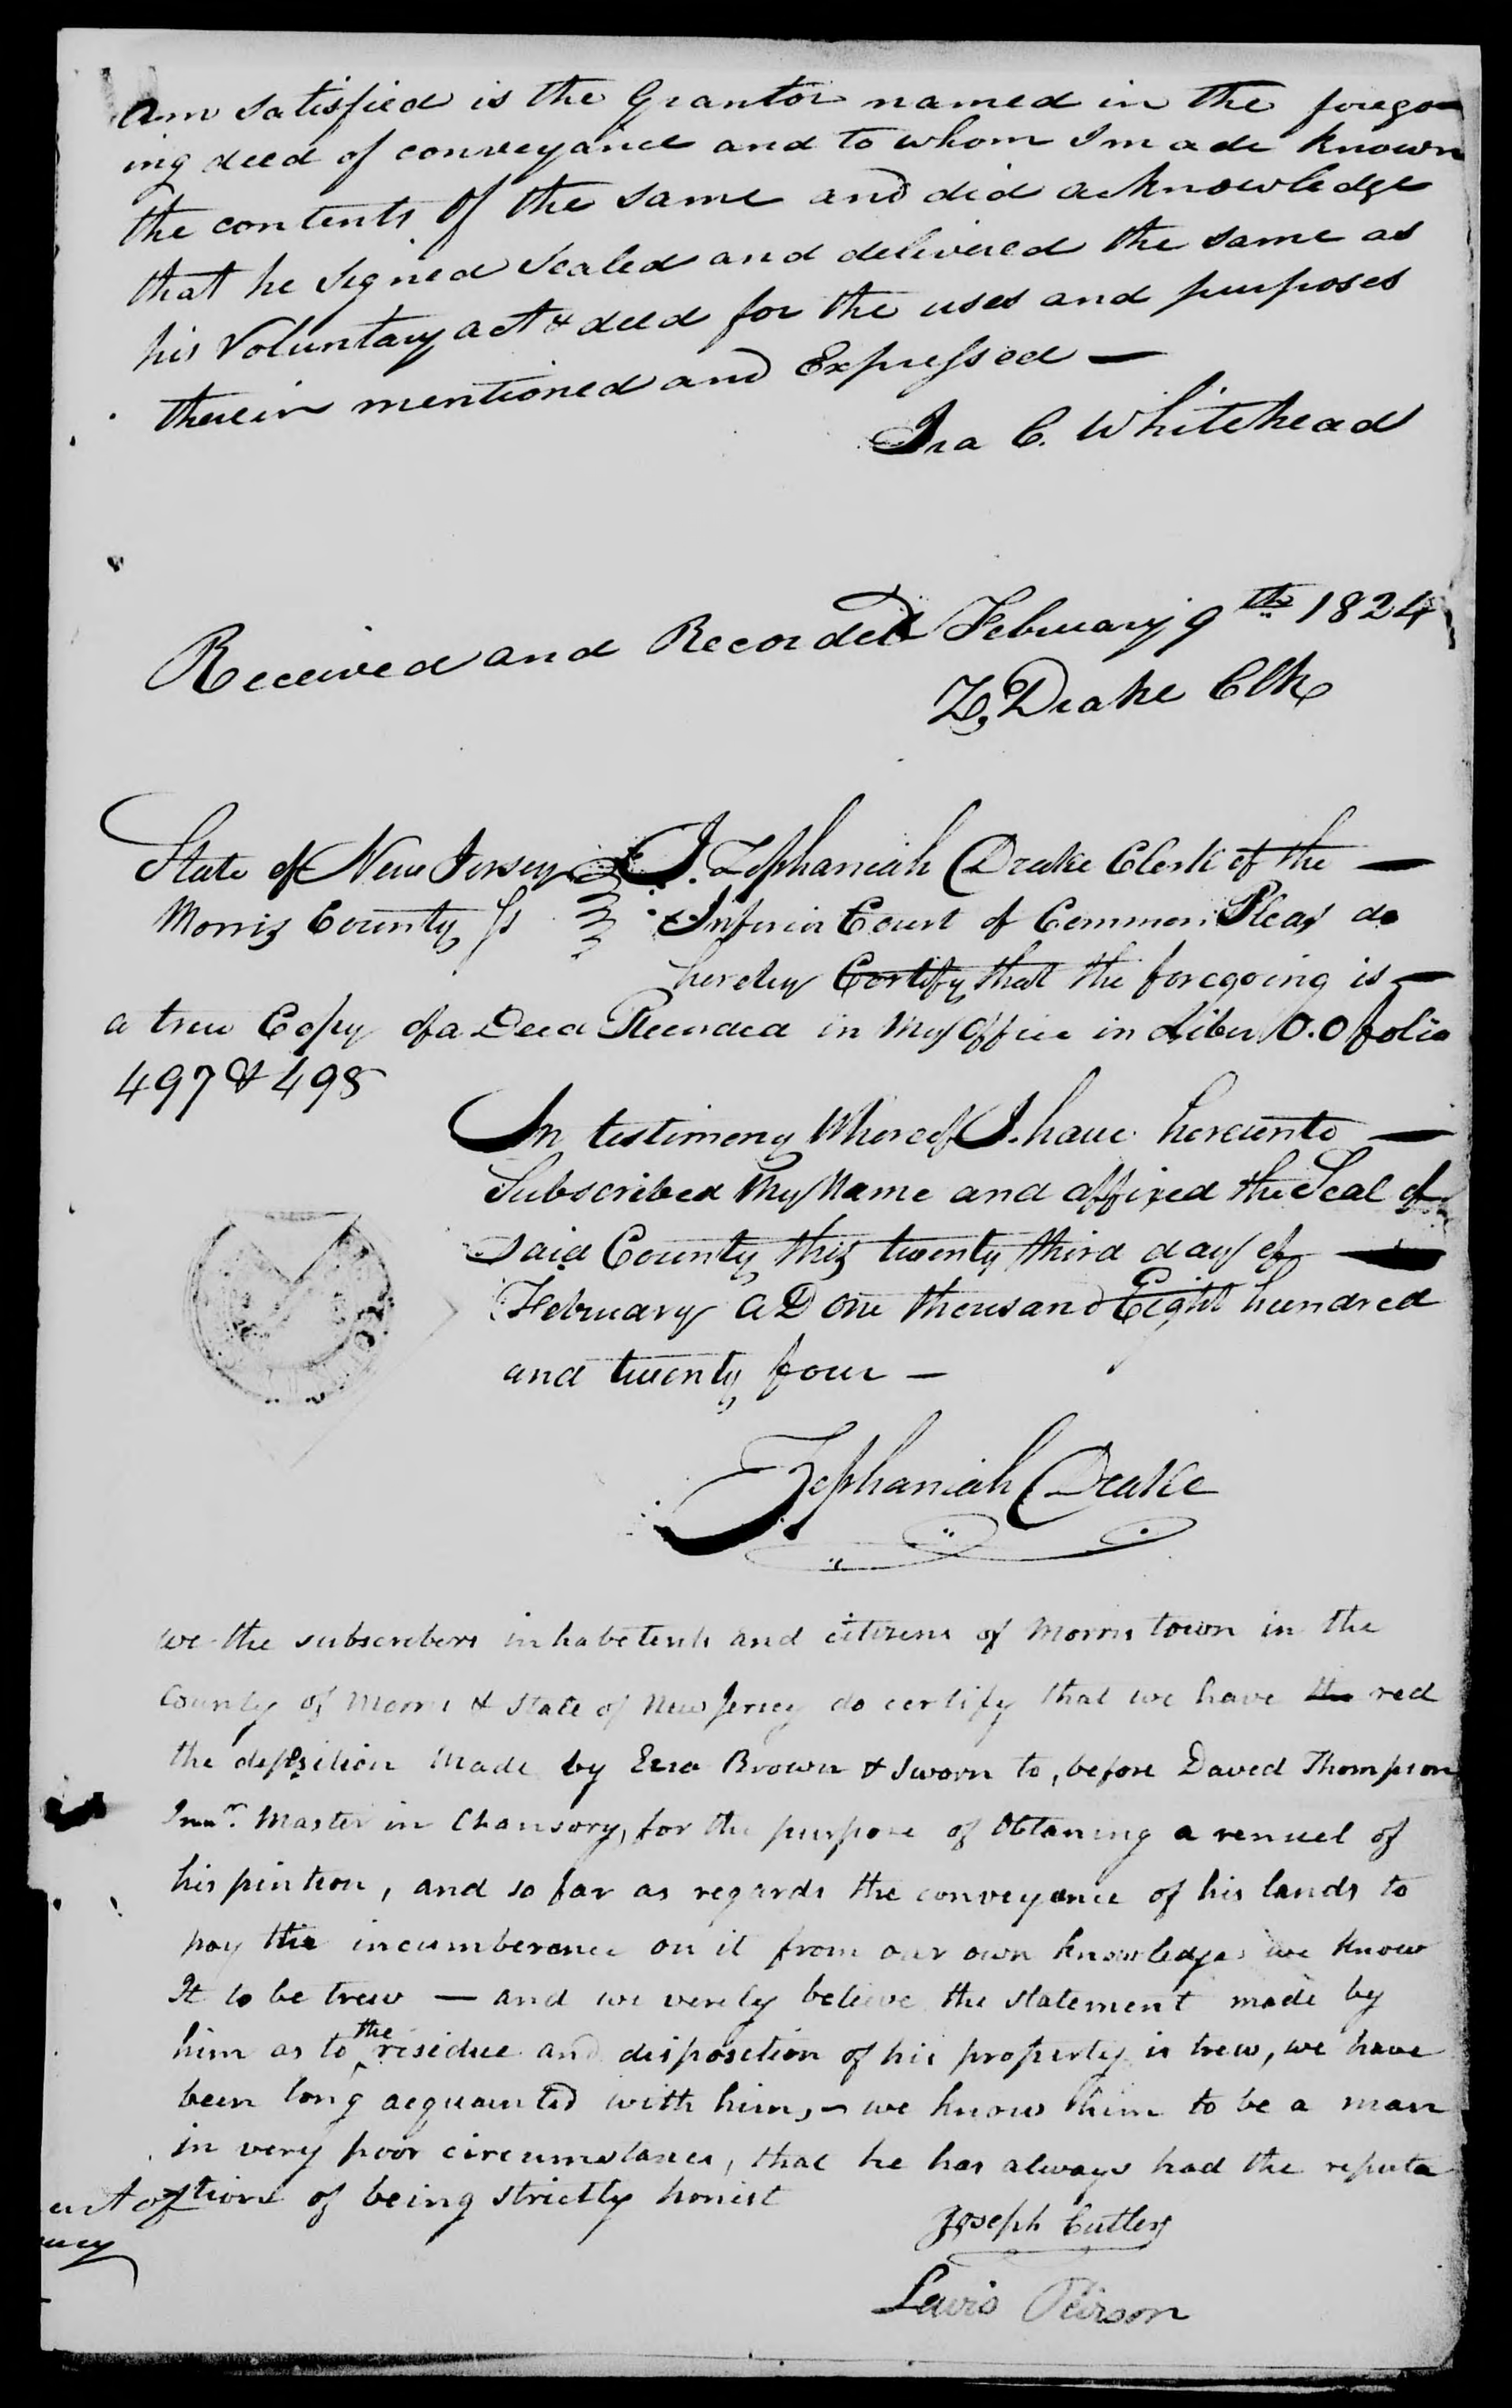am satisfied is the grantor named in the foregoing
deed of conveyance and to whom I made known 
the contents of the same and did acknowledge
that he Signed Sealed and delivered the same as
his Voluntary act & deed for the uses and purposes
therein mentioned and expressed -
Ira C. Whitehead
Received and Recorded February 9th 1824
L. Drake Clk

State of New Jersey }
Morris County ss }
I. Zephaniah Drake Clerk of the
Inferior Court of Common Pleas do
hereby certify that the foregoing is a
true Copy of a Deed Recorded in my office in Liber O.O. folio
In testimony whereof I have hereunto
Subscribed my name and affixed the Seal of
said County this twenty third day of
February AD one thousand Eight hundred
and twenty four -
Zephaniah Drake
We the subscribers inhabitents and citizens of Morristown in the
County of Morris & State of New Jersey do certify that we have red
the deposition made by Ezra Brown & Sworn to, before David Thompson
[illegible] Master in Chansory, for the purpose of obtaining a [illegible] of
his pention, and so far as regards the conveyance of his lands to
pay the incumberances on it from our own knowledge we know
it to be true - and we verily believe the statement made by
him as to the residue and disposition of his property is trew, we have 
been long acquainted with him,-- we know him to be a man 
in very poor circumstances, that he has always had the reputation
of being strictly honest
Joseph Cutler
Lewis Pierson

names: Zephaniah Drake, Zephaniah Drake, Joseph Cutler, David Thompson, Z Drake, Ezra Brown, Ira C Whitehead, Lewis Pierson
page: 27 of 27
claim: survivor's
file: S. 34,094, Ezra Brown, New Jersey